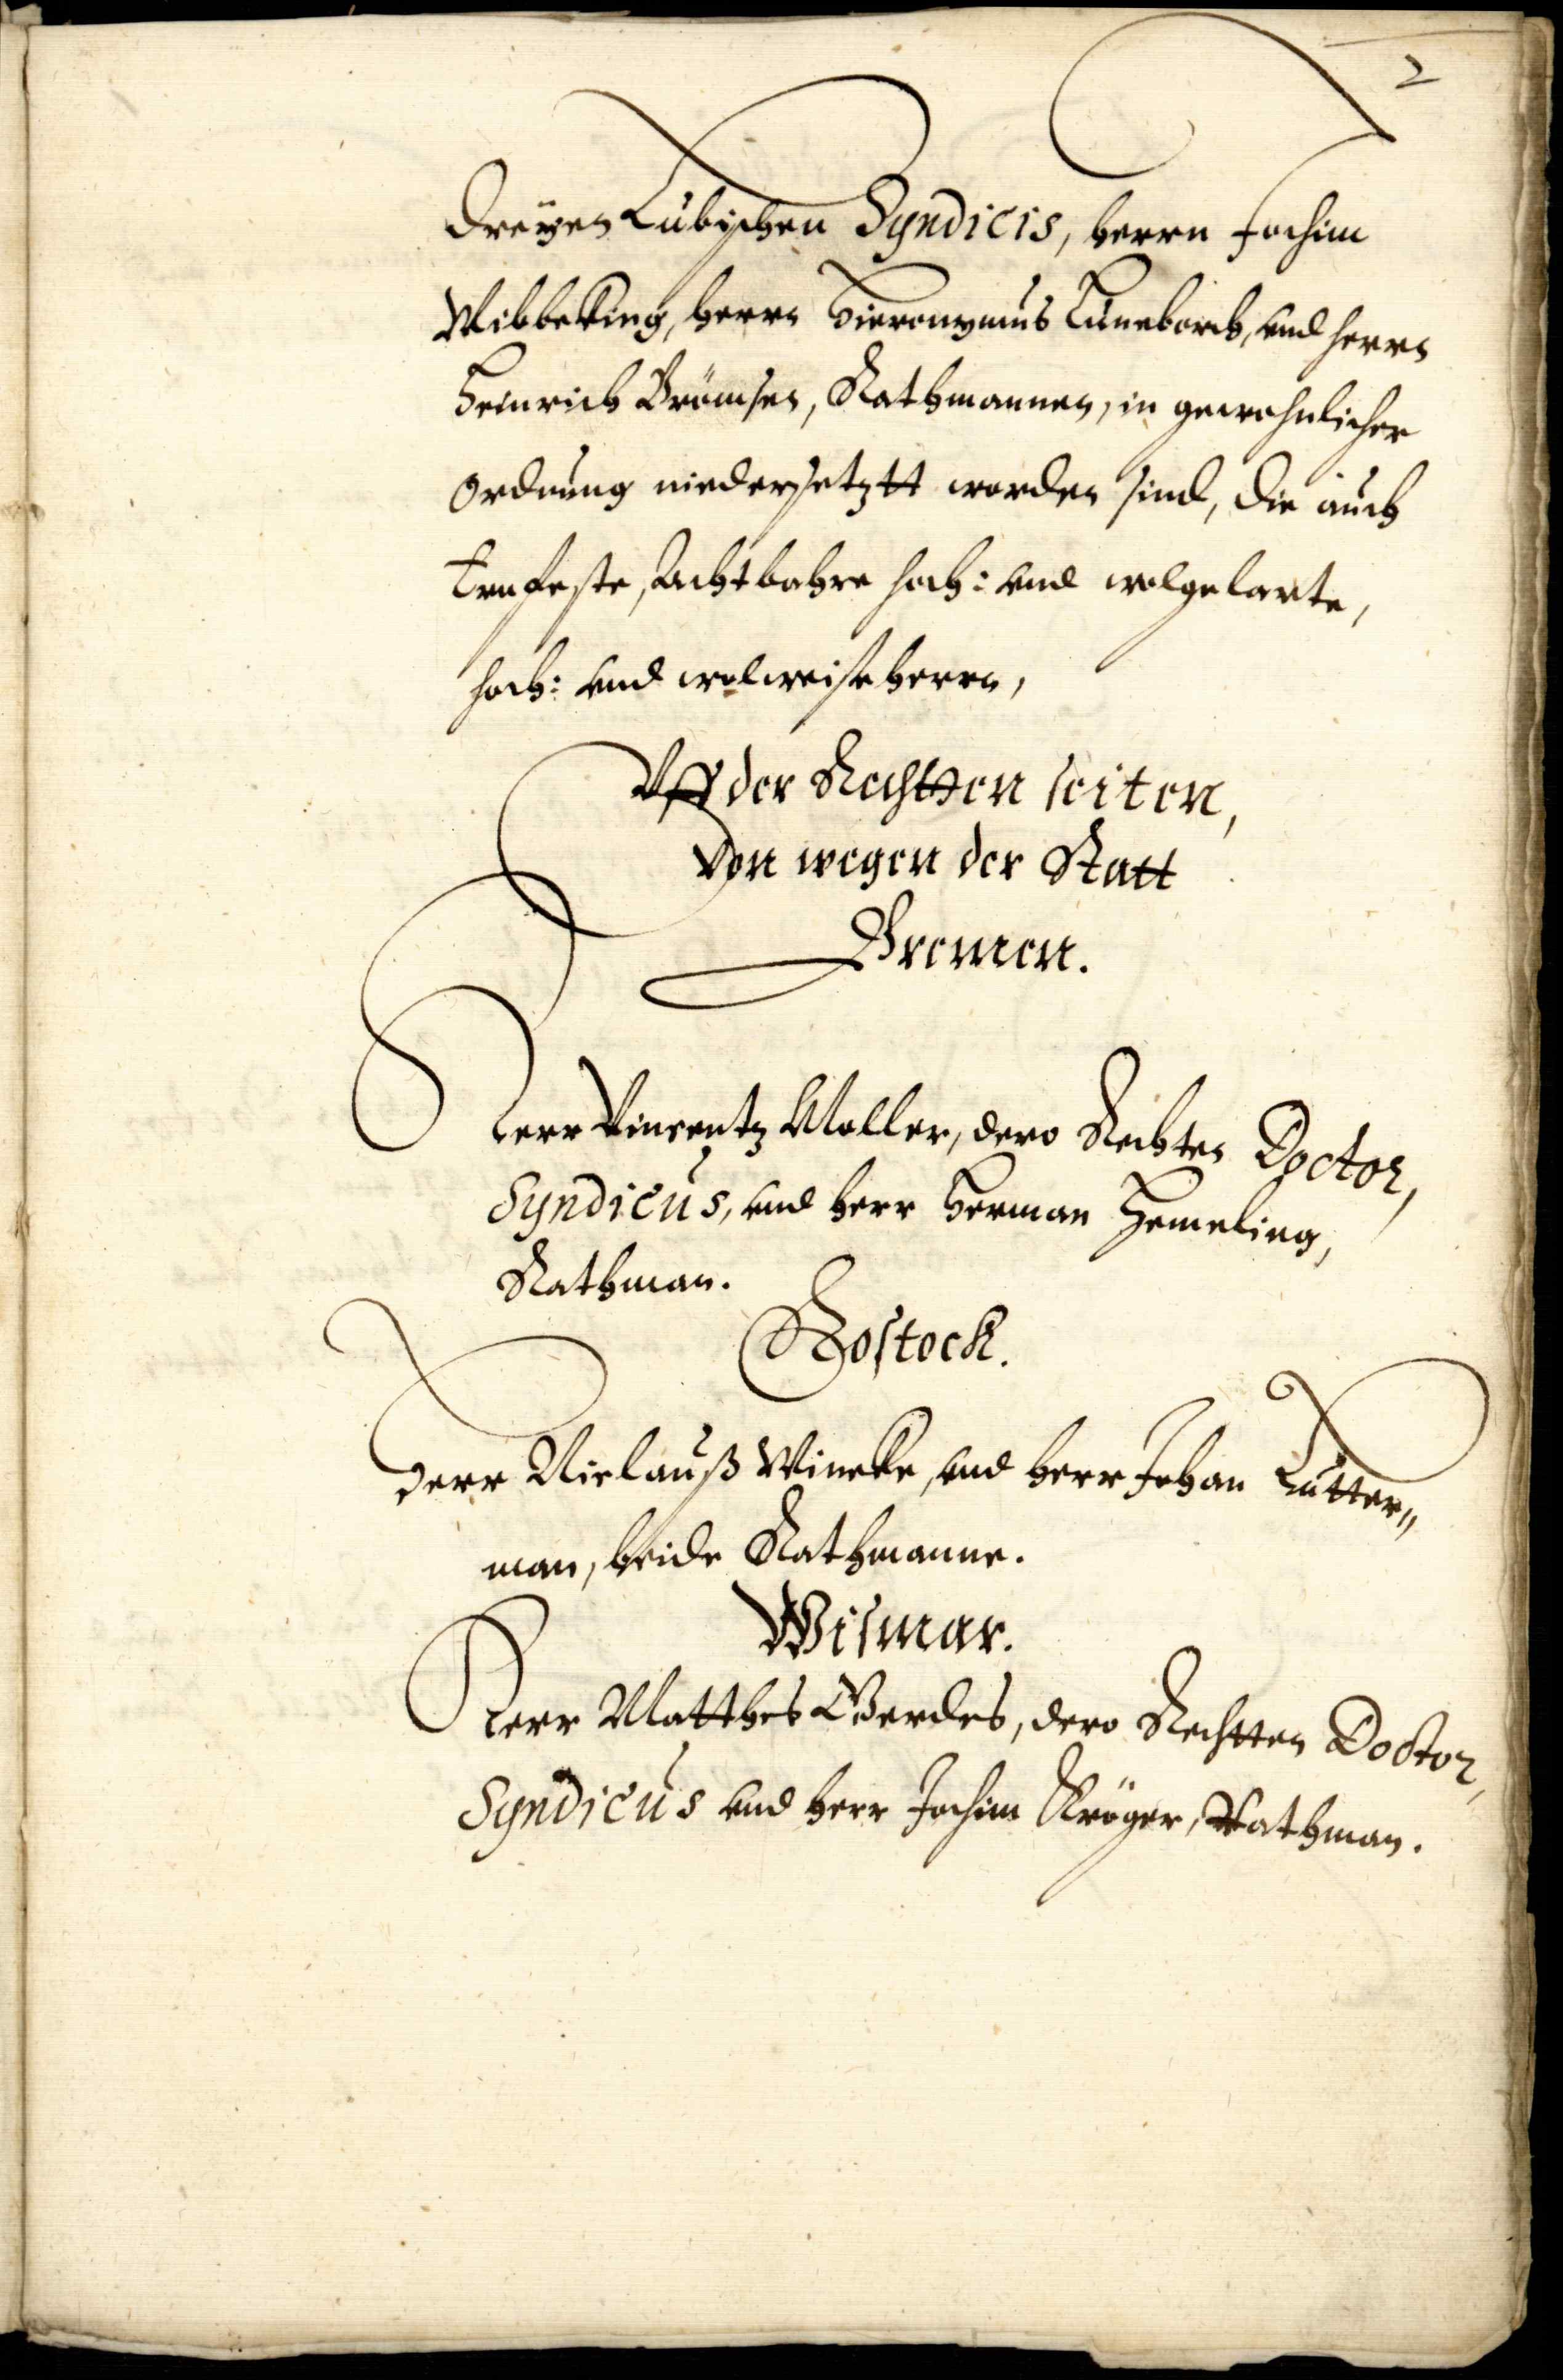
2
dreijen Lubischen Syndicis, herrn Jochim
Wibbeking, Herrn Hieronymus Luneborch, vnd herrn
Heinrich Brömsen, Rathmannen, in gewohnlicher
Ordnung niedersetztt worden sind, die auch
Ernfeste, Achtbahre hoch: vnd wolgelarte,
hoch: vnd wolweise herrn,
Vff der Rechtten seiten,
von wegen der Statt
Bremen.
Herr Vincentz Moller, dero Rechten Doctor,
Syndicus, vnd herr Herman Hemeling,
Rathman.
Rostock.
Herr Niclauß Wineke, vnd herr Johan Lutter¬
man, beide Rathmanne.
Wismar.
Herr Matthes Gerdes, dero Rechtten Doctor,
Syndicus vnd herr Jochim Kröger, Rathman.
